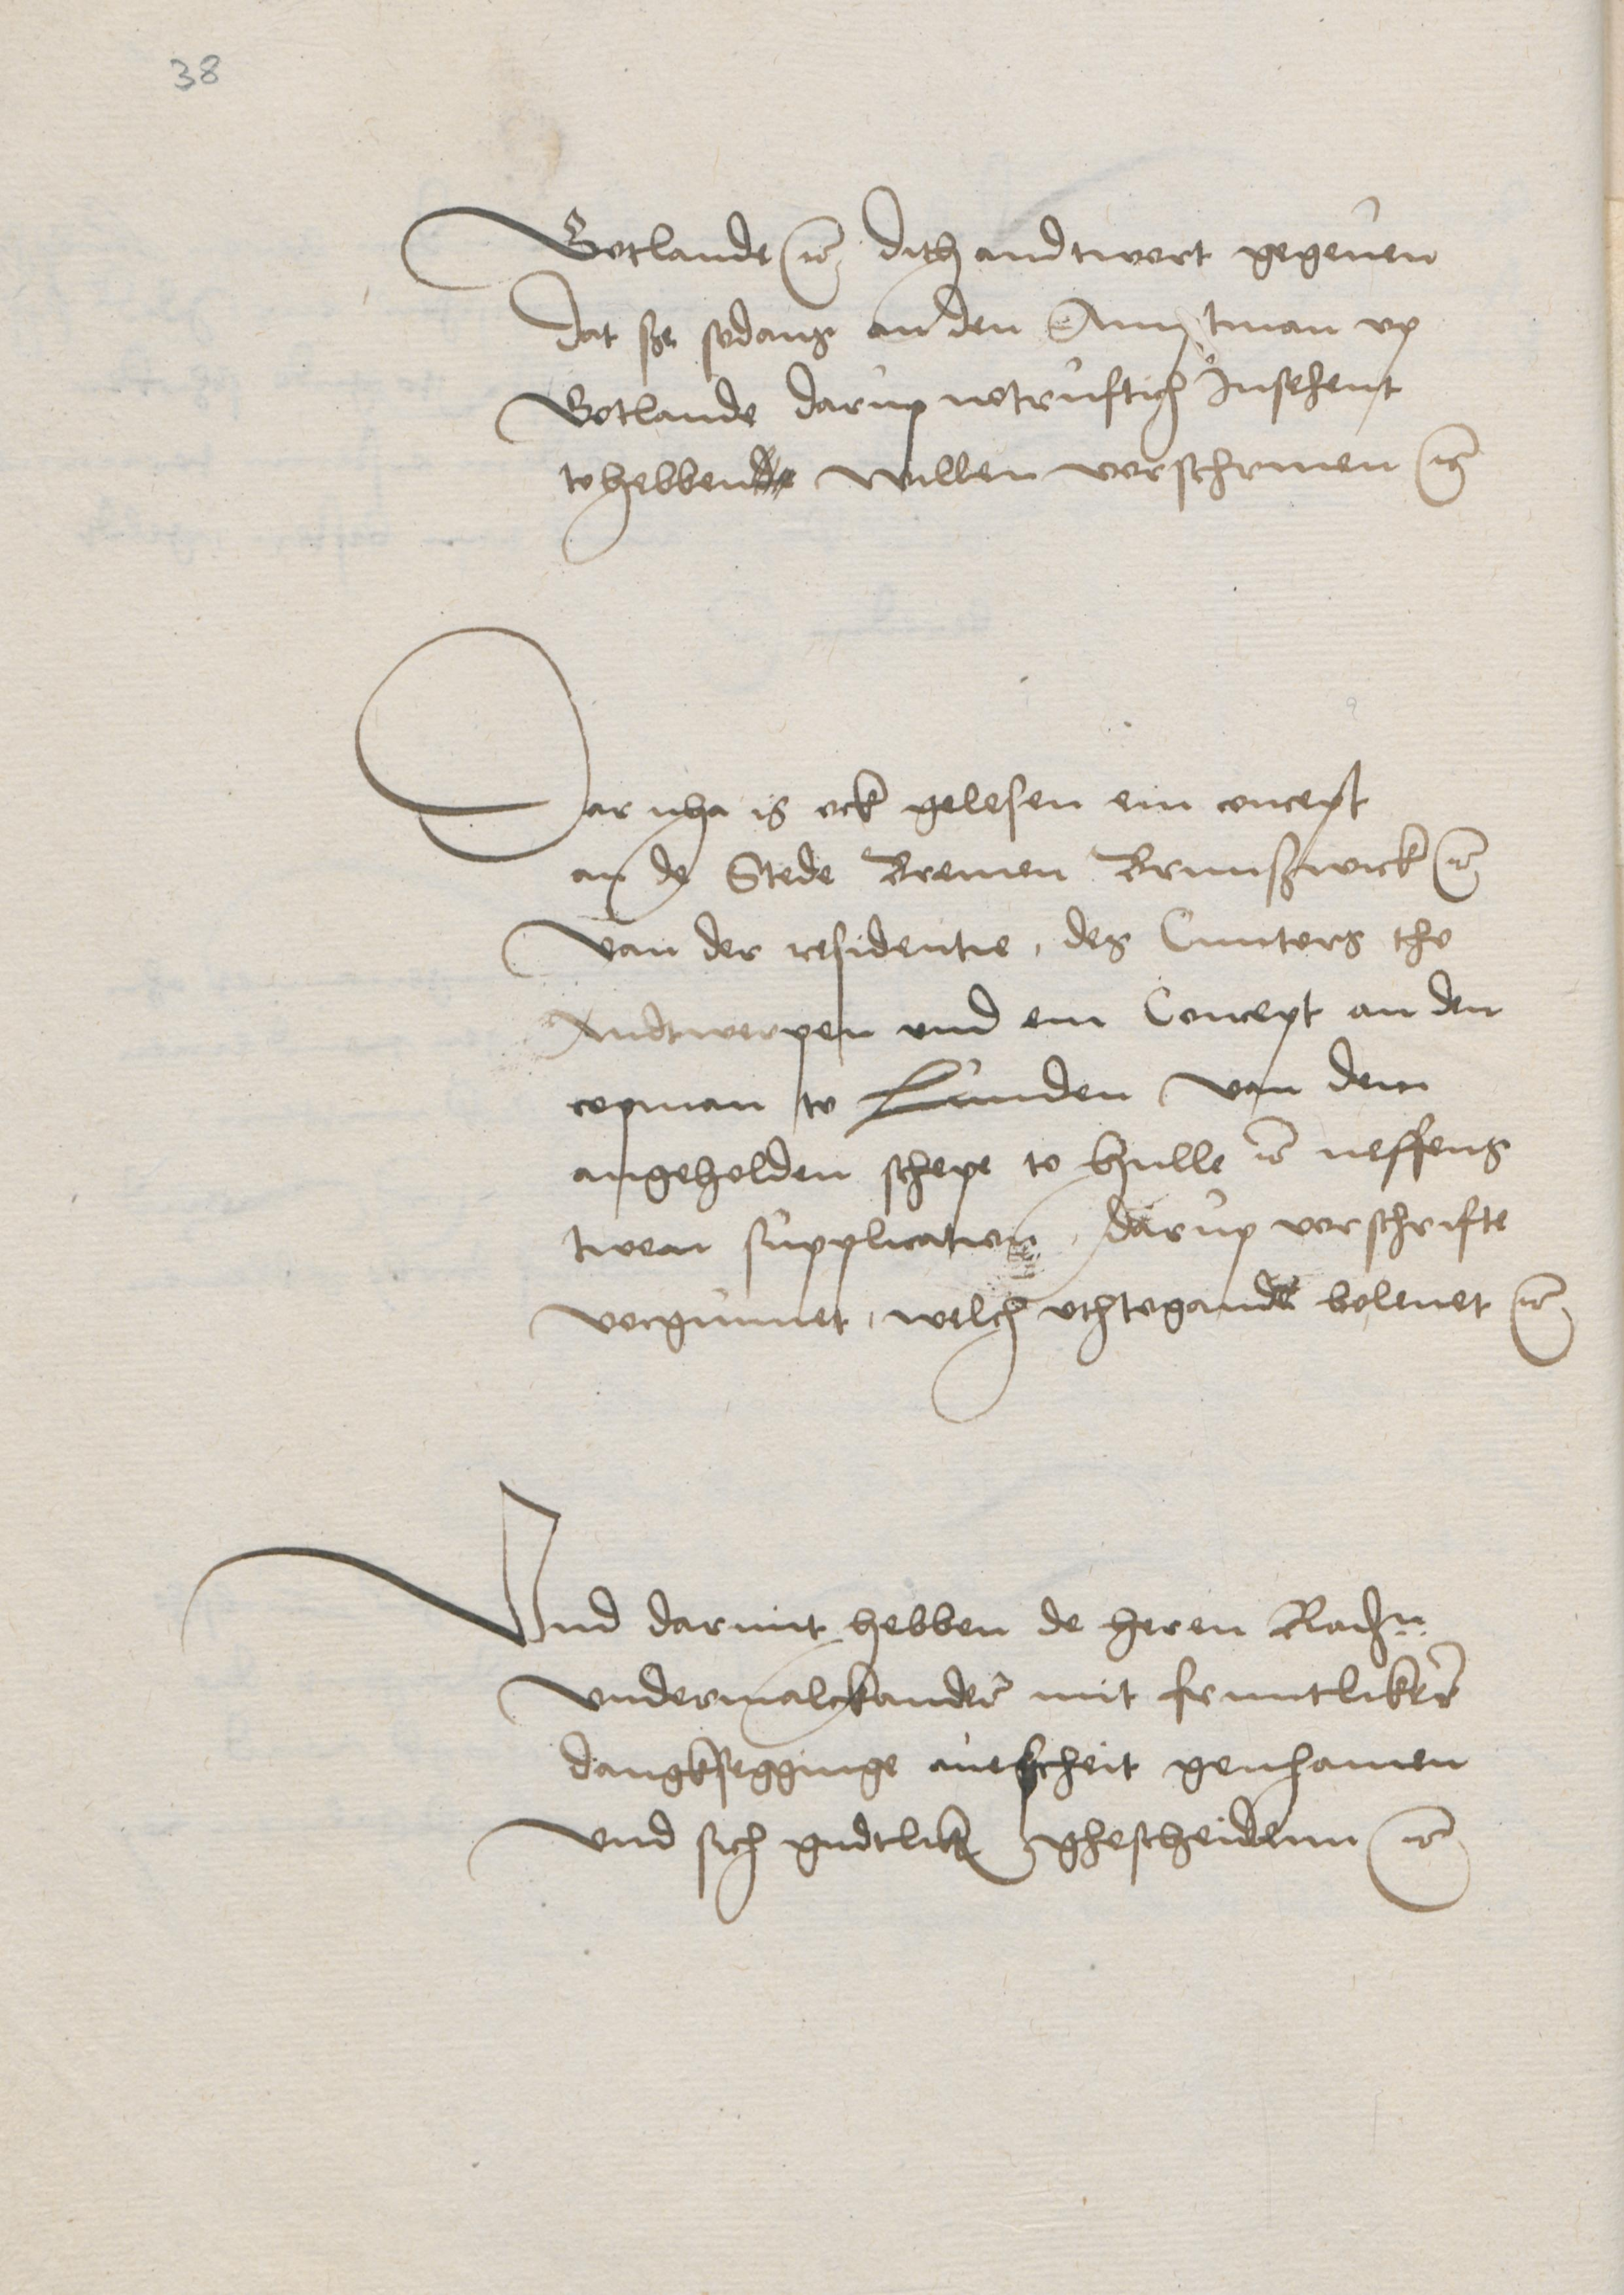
Gotlande etc dith andtwort gegeuen
dat ße sodans an den Amptman vp
Gotlande darup notruftich jnsehent
to hebbende willen vorschriuen etc
Dar nha is ock gelesen ein concept
an de Stede Bremen Brunßwick etc
van der residentie, des Cuntors tho
Andtwerpen vnd ein Concept an den
copman to Lunden van dem
angeholden schepe to Hulle etc neffens
twen supplicaten, darup vorschrifte
vergunnet, welch vthtogandt boleuet etc
Vnd darmit hebben de heren Radessendeboden
vndermalckander mit fruntliker
dangksegginge auescheit genhamen
vnd sich gudtlick ghescheidenn etc
